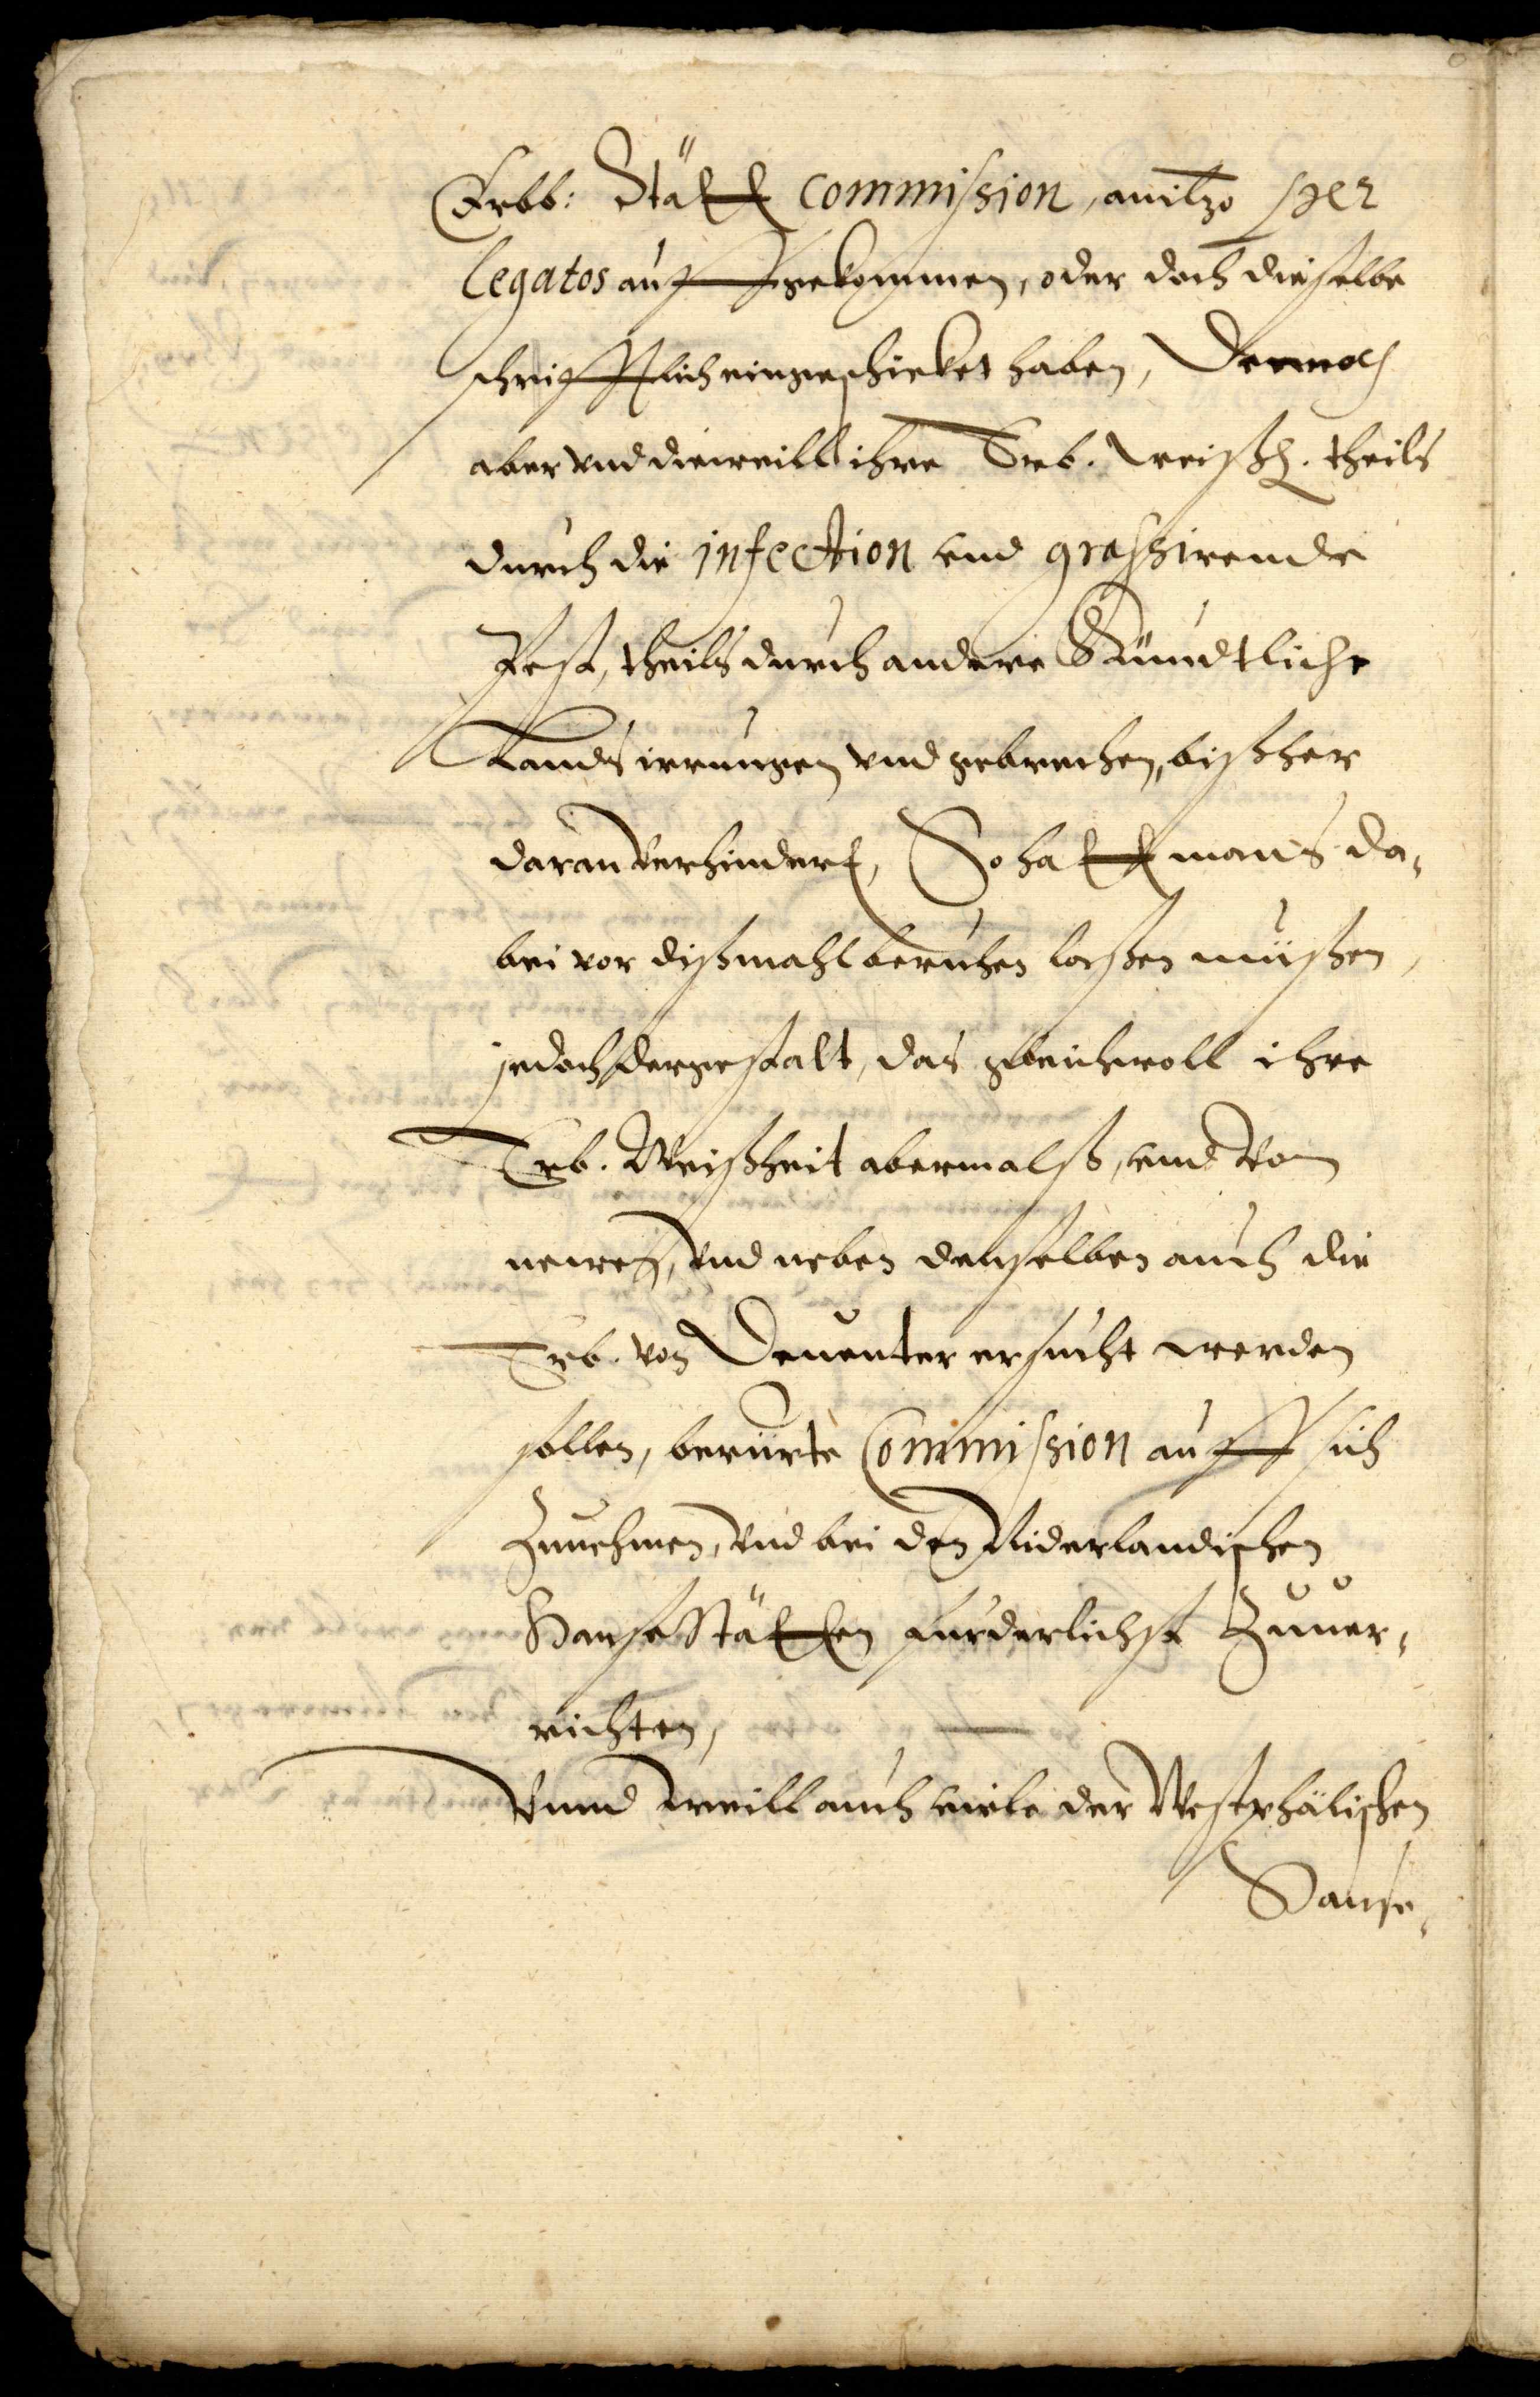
Erbb: Stätt commission, anitzo per
legatos auffgekommen, oder doch dieselbe
schrifftlich eingeschicket haben, Dennoch
aber vnd dieweill ihre Erb. Weißh. theills
durch die infection vnd grassirende
Pest, theils durch andere kündtliche
Landesirrungen vnd gebrechen, bißher
daran Verhindert, So hatt mans da¬
bei vor dißmahl beruhen laßen müßen,
jedoch dergestalt, das gleichwoll ihre
Erb. Weißheit abermalß, vnd Von
newen, Vnd neben denselben auch die
Erb. von Deuenter ersucht werden
sollen, berürte Commission auff sich
Zunehmen, Vnd bei den Niderlandischen
Hansestätten furderlichst Zuuer¬
richten,
Vnnd Weill auch viele der Westphälischen
Hanse¬
